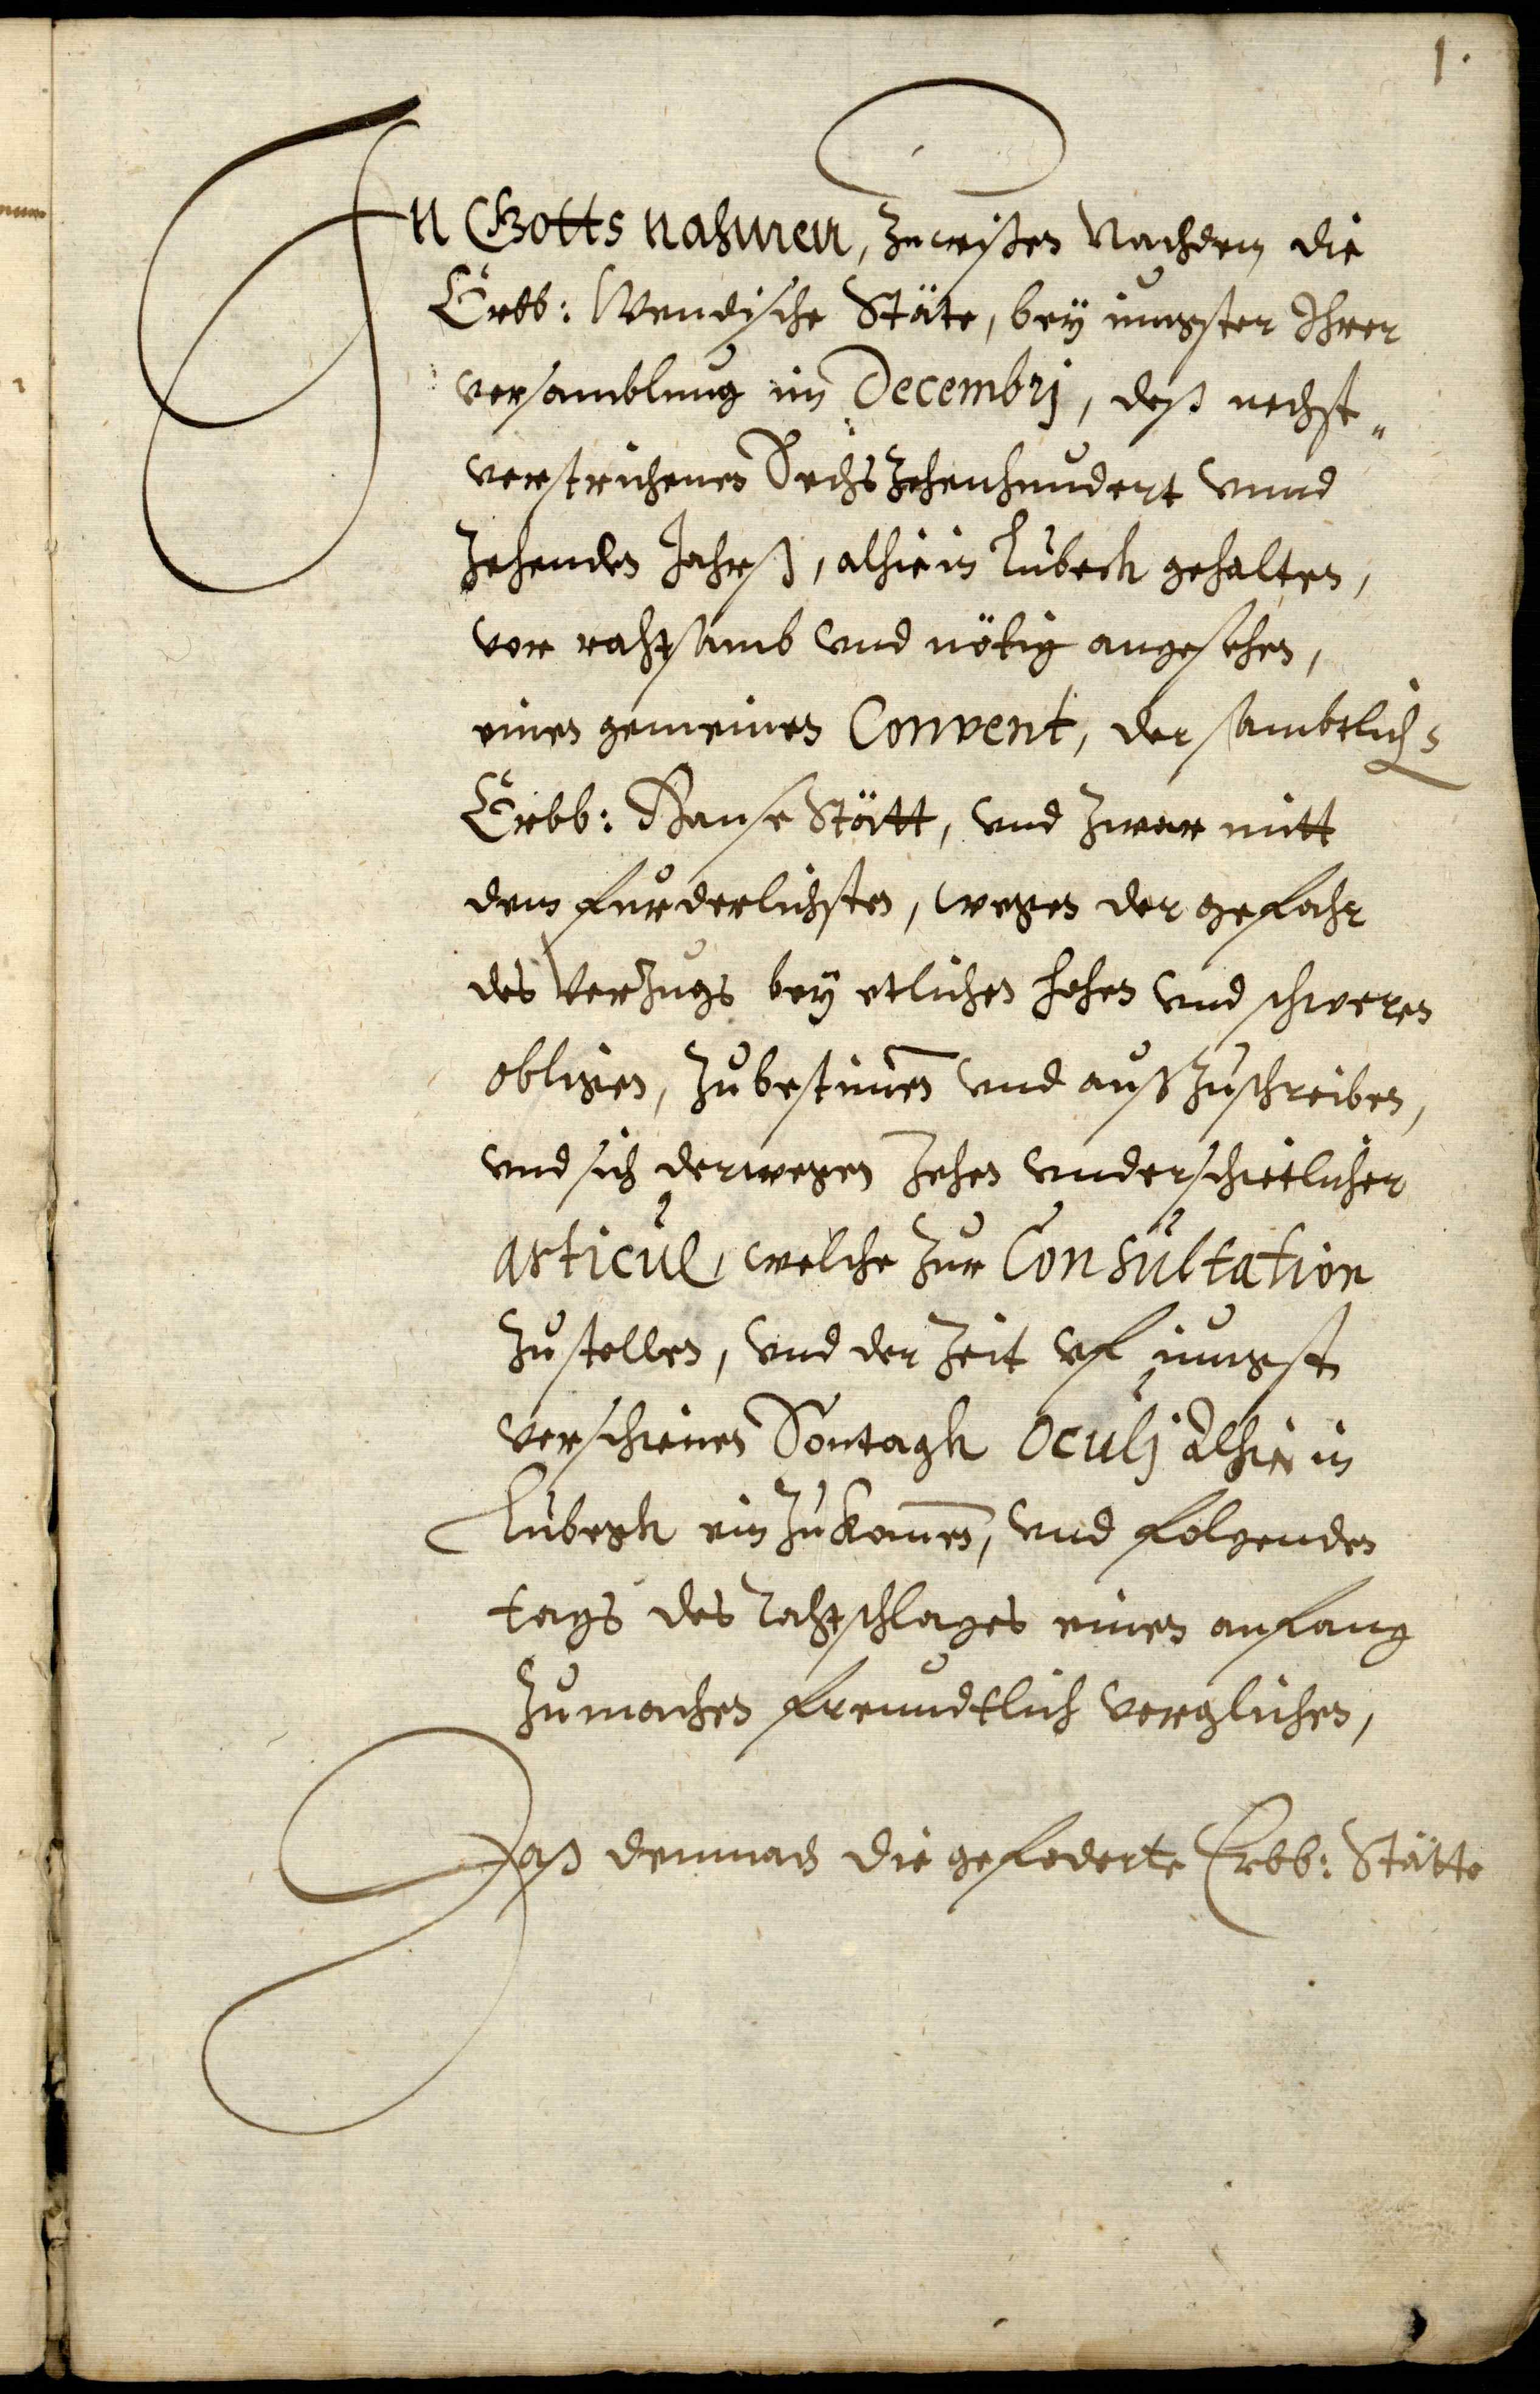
1.
In Gotts nahmen, zuwißen Nachdem die
Erbb: Wendische Stäte, beij iungsten Ihrer
versamblung im Decembrj, deß nechst¬
verstrichenen Sechszehenhundert vnnd
zehenden Jahrß, alhie in Lubeck gehalten,
vor rahtsamb vnd nötig angesehen,
einen gemeinen Convent, der sambtlichen
Erbb: Hanse Stätt, vnd zwar mitt
dem furderlichsten, wegen der gefahr
des verzugs beij etlichen hohen vnd schweren
obligen, zu bestimmen vnd außzuschreiben,
vnd sich derwegen zehen vnderschietlichen
articul, welche zur Consultation
zu stellen, vnd der zeit vf iungst
verschienen Sontagk Oculj Alhie in
Lubegk einzukommen, vnd folgenden
tags des Rahtschlages einen anfang
zu machen freundtlich verglichen,
Daß demnach die gefoderte Erbb: Stätte
